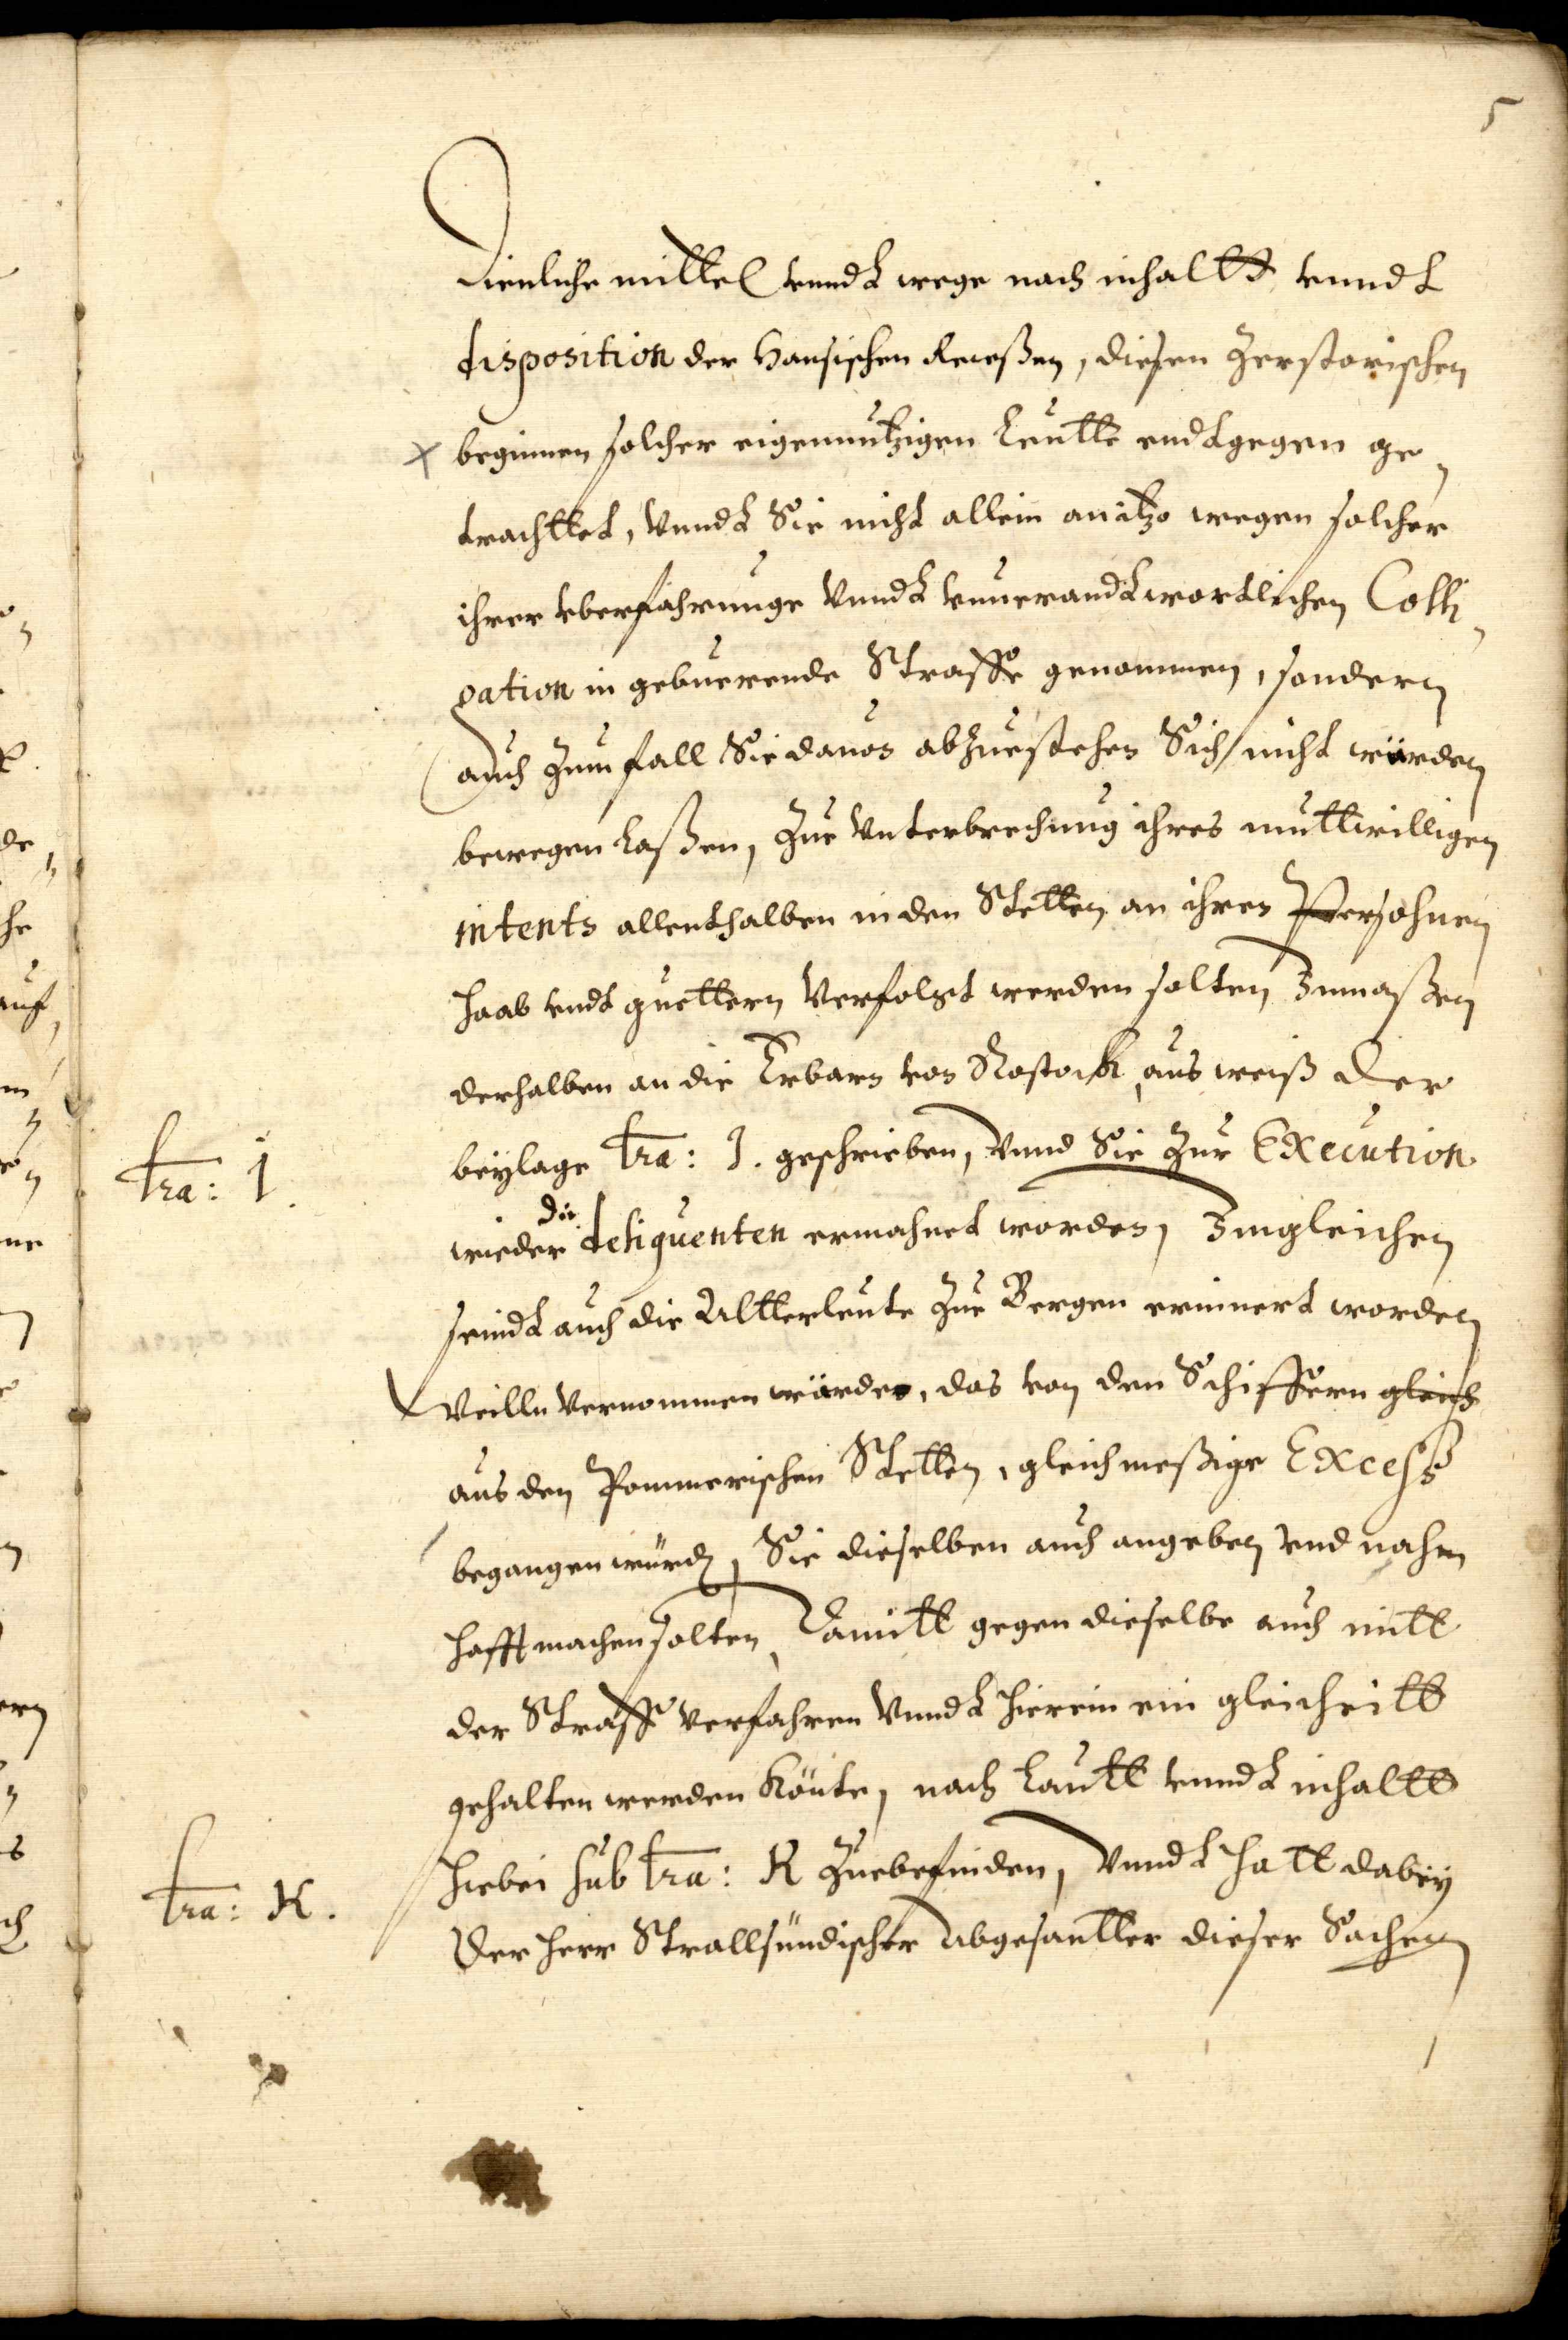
Tra: I
Tra: K.
dienliche mittel vnndt wege nach inhaltt vnndt
disposition der Hansischen Receßen, diesen zerstorischen
beginnen solcher eigennutzigen Leutte endtgegen ge¬
trachttet, Vnndt Sie nicht allein anitzo wegen solcher
ihrer vberfahrunge Vnndt vnuerandtwortlichen Colli¬
gation in gebuerende Straffe genommen, sondern
auch zum fall Sie dauon abzuestehen Sich nicht würden
bewegen laßen, zue Vnterbrechung ihres muttwilligen
intents allenthalben in den Stetten an ihren Persohnen
haab vndt guettern Verfolgt werden solten Inmaßen
derhalben an die Erbarn von Rostock, aus weiß der
beijlage Tra: I. geschrieben, vnnd Sie zue Execution
die
wieder deliquenten ermahnet worden, Imgleichen
seindt auch die Altterleute zue Bergen erinnert worden
Weilln vernommenen wärde, das von den Schiffern gleich
aus den Pommerischen Stetten, gleichmeßige Excess
begangen würden, Sie dieselben auch angeben vnd nahm
hafft machen solten, Damitt gegen dieselbe auch mitt
der Straff verfahren Vnndt hierein ein gleicheitt
gehalten werden könte, nach Lautt vnndt inhaltt
hiebei sub Tra: K zuebefinden, vnndt hatt dabeij
Der Herr Strallsündischer Abgesantter dieser Sachen
